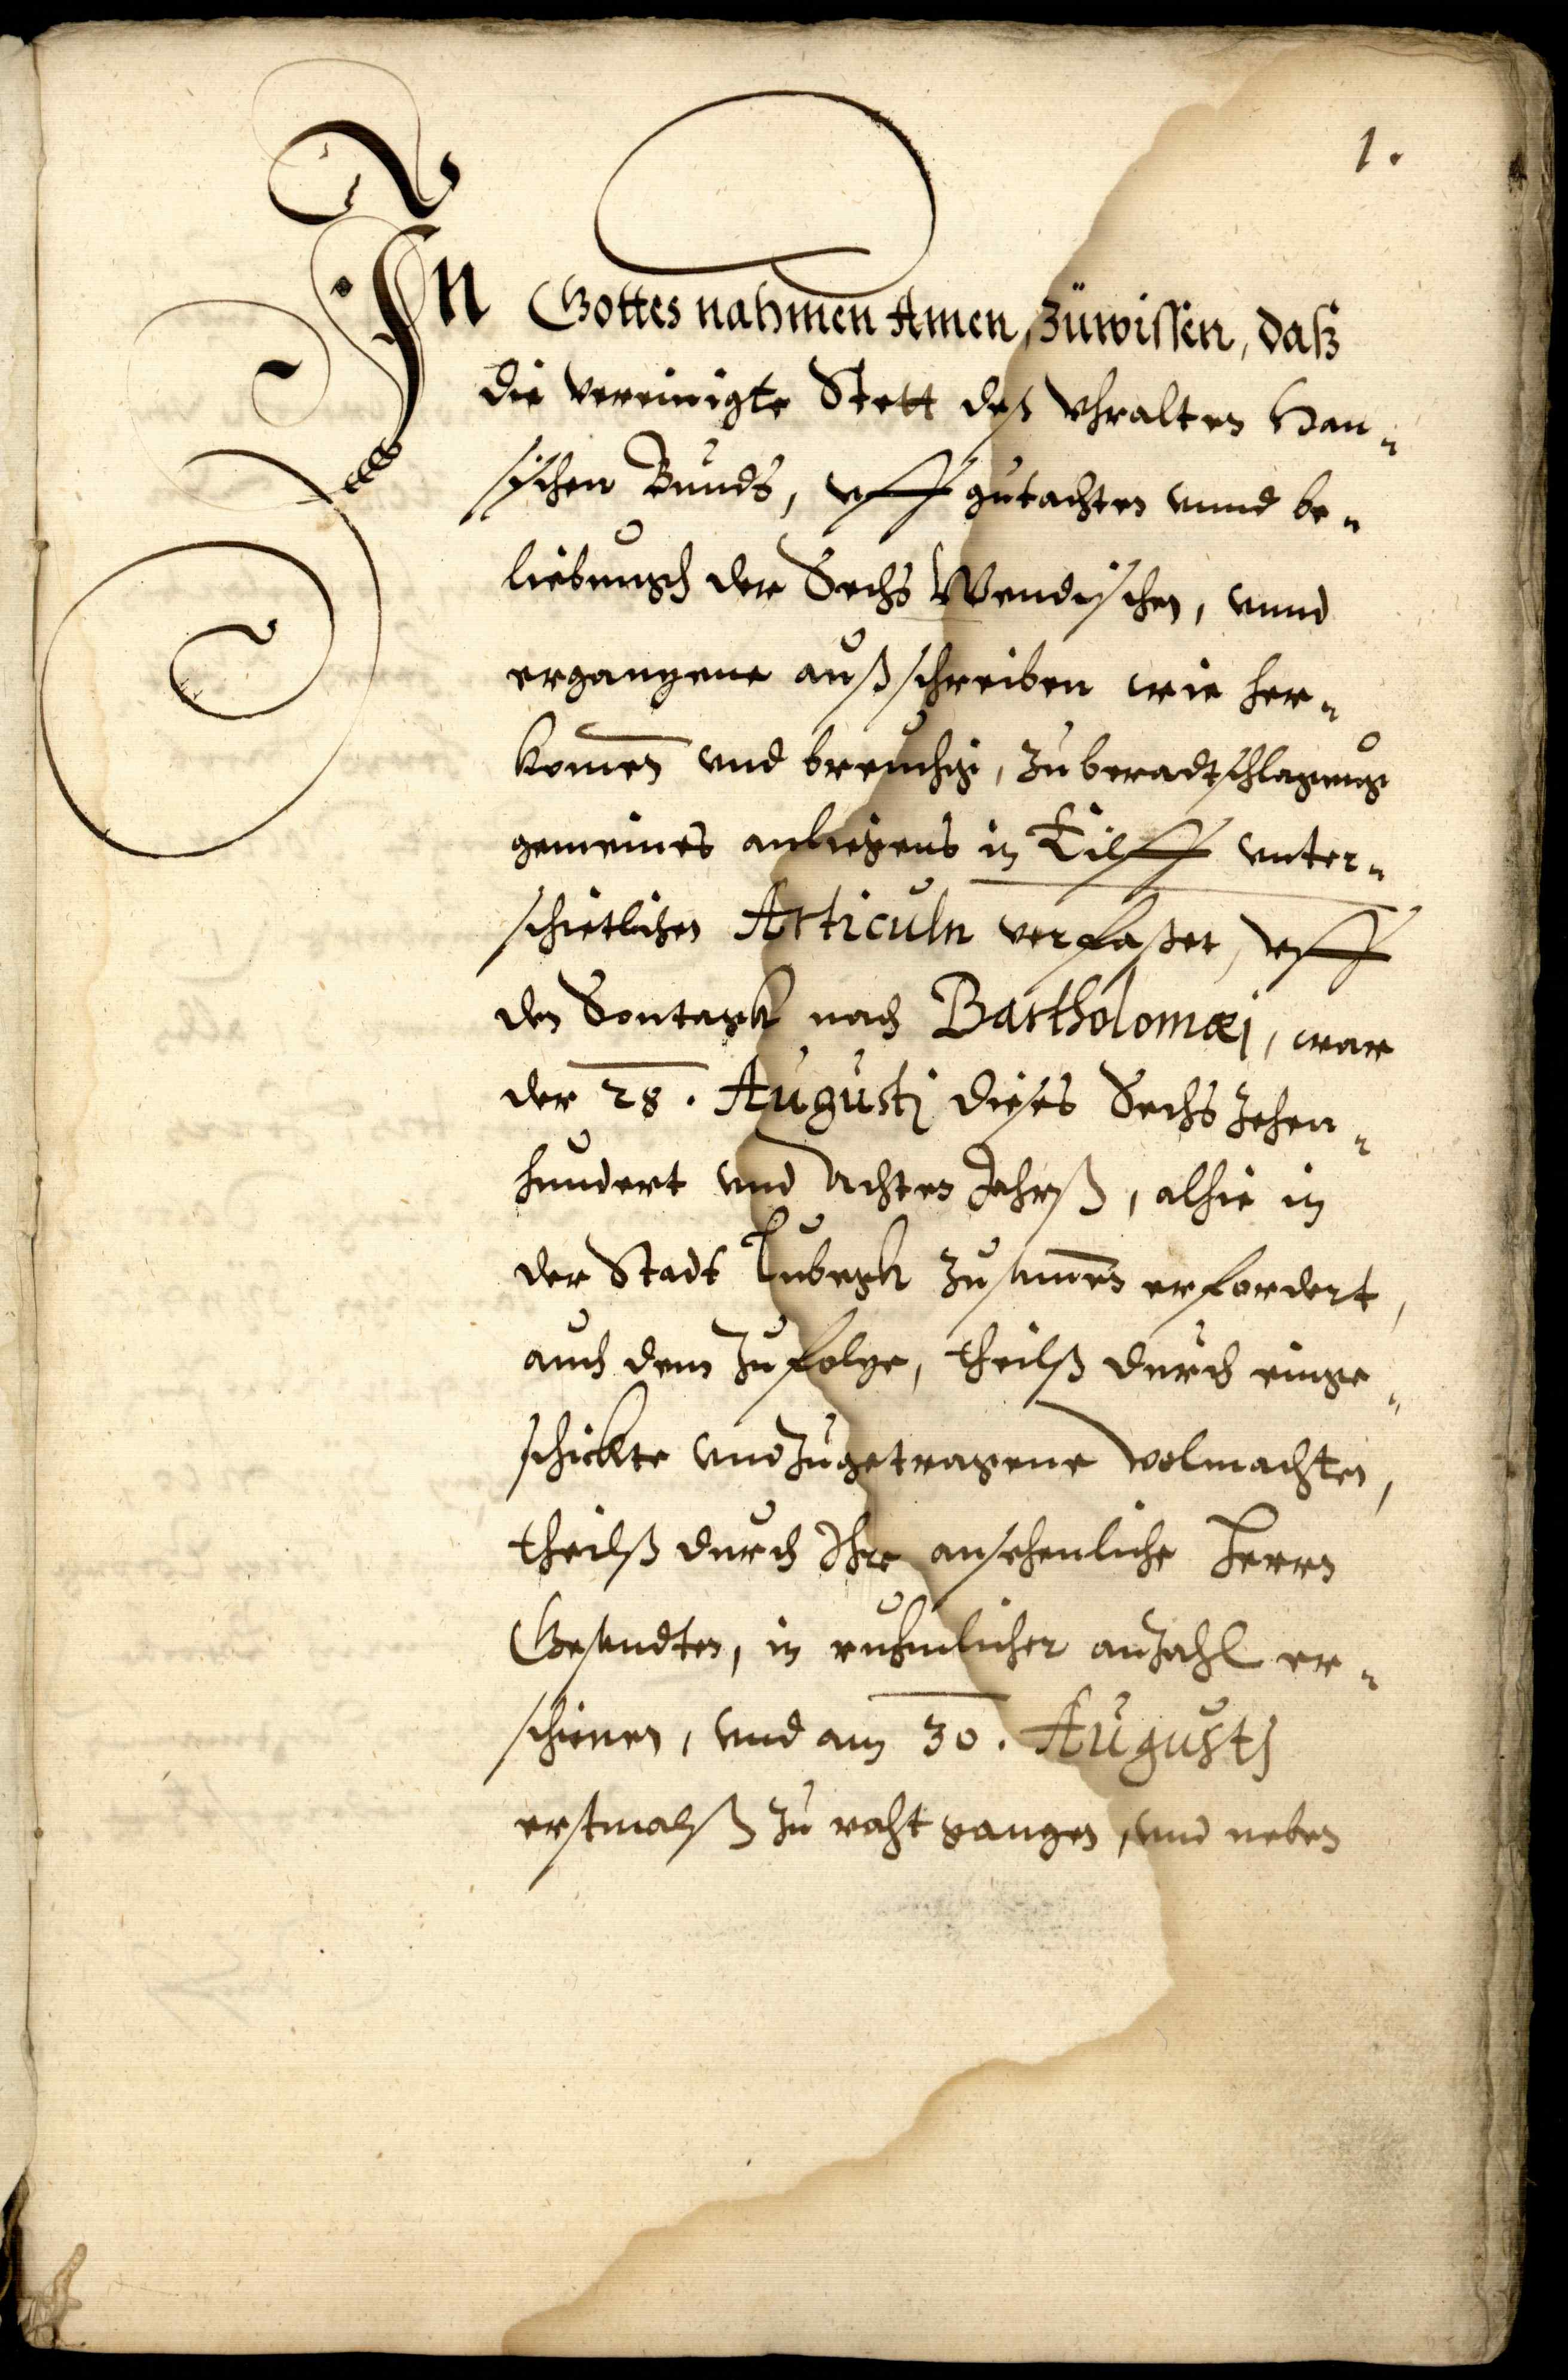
1.
In Gottes nahmen Amen, zuwissen,daß
die voreinigte Stett des vhralten Han¬
sischen Bunds, vff gutachten vnnd be¬
liebungh der Sechs Wendischen, vnnd
ergangene außschreiben wie her¬
kommen vnd breuchig, zu beradtschlagung
gemeines anliegens in Eilff vnter¬
schietlichen Articuln verfaßet vff
den Sonntagk nach Barholomaej,war
der 28. Augustj dieses Sechszehen¬
hundert vnd achten Jahrß, alhie in
der Stadt Lubegk zu hinnen erfordert,
auch dem zu folge, theilß durch einge¬
schickte vnd zugetragene volmachten,
theilß durch Ihre ansehenliche Herrn
Gesandten, in ruhmlicher anzahl er¬
schienen, vnd am 30. Augustj
erstmalß zu raht gangen, vnd neben
